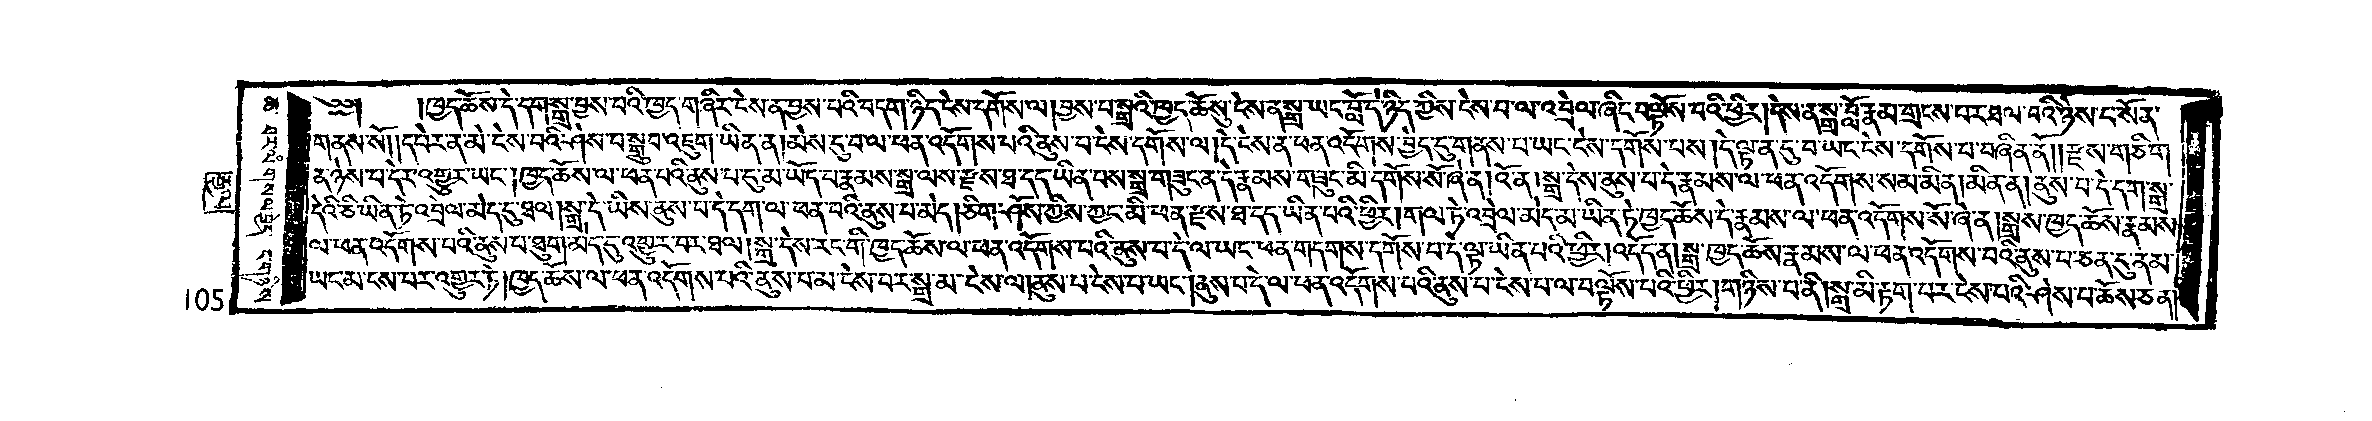༄༅། །ཁྱད་ཆོས་དེ་དག་སྒྲ་བྱས་པའི་ཁྱད་གཞིར་ངེས་ན་བྱས་པའི་བདག་ཉིད་ངེས་དགོས་ལ། བྱས་པ་སྒྲའི་ཁྱད་ཆོས་ངེས་ན་སྒྲ་ཡང་བློ་དེ་ཉིད་ཀྱིས་ངེས་པ་ལ་འགྲེལ་ཞིང་བལྟོས་པའི་ཕྱིར། དེས་ན་སྒྲ་བློ་རྣམ་གྲངས་པར་ཐལ་བའི་ཉེས་པ་སོན་
གནས་སོ། །དཔེར་ན་མེ་ངེས་པའི་ཤེས་བསྒྲུབ་འཇུག་ཡིན་ན། མེས་དུ་བ་ལ་ཕན་འདོགས་པའི་ནུས་པ་ངེས་དགོས་ལ། དེ་ངེས་ན་ཕན་འདོགས་བྱེད་དུ་གནས་པ་ཡང་ངེས་དགོས་པས། དེ་ལྟ་ན་དུ་བ་ཡང་ངེས་དགོས་པ་བཞིན་ནོ། །རྫས་གཅིག་
ན་ཉེས་པ་དེར་འགྱུར་ཡང་། ཁྱད་ཆོས་ལ་ཕན་པའི་ནུས་པ་དུ་མ་ཡོད་པ་རྣམས་སྒྲ་ལས་རྫས་ཐ་དད་ཡིན་པས་སྒྲ་གཟུང་ན་དེ་རྣམས་གཟུང་མི་དགོས་སོ་ཞེ་ན། འོ་ན། སྒྲ་དེས་ནུས་པ་དེ་རྣམས་ལ་ཕན་འདོགས་སམ་མིན། མིན་ན། ནུས་པ་དེ་དག་སྒྲ་
དེའི་ཅི་ཡིན་ཏེ་འབྲེལ་མེད་དུ་ཐལ། སྒྲ་དེ་ཡིས་ནུས་པ་དེ་དག་ལ་ཕན་པའི་ནུས་པ་མེད། ཅིག་ཤོས་ཀྱིས་ཀྱང་མི་ཕན་རྫས་ཐ་དད་ཡིན་པའི་ཕྱིར། གལ་ཏེ་འབྲེལ་མེད་མ་ཡིན་ཏེ་ཁྱད་ཆོས་དེ་རྣམས་ལ་ཕན་འདོགས་སོ་ཞེ་ན། སྒྲས་ཁྱད་ཆོས་རྣམས་
ལ་ཕན་འདོགས་པའི་ནུས་པ་ཐུག་མེད་དུ་འགྱུར་བར་ཐལ། སྒྲ་དེས་རང་གི་ཁྱད་ཆོས་ལ་ཕན་འདོགས་པའི་ནུས་པ་དེ་ལ་ཡང་ཕན་གདགས་དགོས་པ་དེ་ལྟ་ཡིན་པའི་ཕྱིར། འདོད་ན། སྒྲ་ཁྱད་ཆོས་རྣམས་ལ་ཕན་འདོགས་པའི་ནུས་པ་ཅན་དུ་ནམ་
ཡང་མ་ངས་པར་འགྱུར་ཏེ། ཁྱད་ཆོས་ལ་ཕན་འདོགས་པའི་ནུས་པ་མ་ངེས་པར་སྒྲ་མ་ངེས་ལ། ནུས་པ་ངེས་པ་ཡང་། ནུས་པ་དེ་ལ་ཕན་འདོགས་པའི་ནུས་པ་ངེས་པ་ལ་བལྟོས་པའི་ཕྱིར། གཉིས་པ་ནི། སྒྲ་མི་རྟག་པར་ངེས་པའི་ཤེས་པ་ཆོས་ཅན་